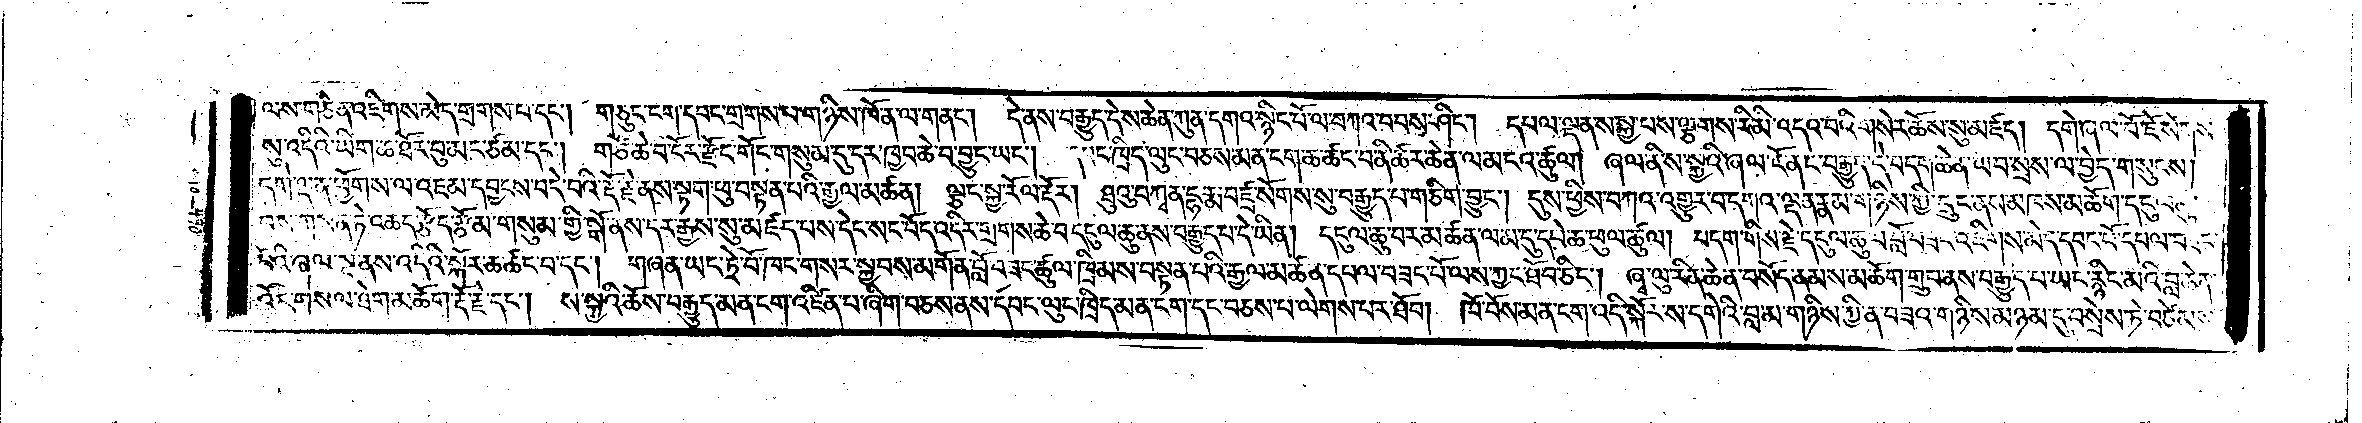ལས་གཅེན་འཇིགས་མེད་གྲགས་པ་དང་། གཅུང་ངག་དབང་གྲགས་པ་གཉིས་ཁོ་ན་ལ་གནང་། དེ་ནས་བརྒྱུད་དེ་ས་ཆེན་ཀུན་དགའ་སྙིང་པོ་ལ་བཀའ་བབས་ཤིང་། དཔལ་ལྡན་ས་སྐྱ་པས་ལྕགས་རི་མི་འདའ་བའི་གསེར་ཆོས་སུ་མཛད། དགེ་ཞལ་བོ་ཇོ་སོགས་
སུ་འདིའི་ཡིག་ཆ་ཐོར་བུ་མང་ཙམ་དང་། གཙོ་ཆེ་བ་ངོར་རྫོད་གོང་གསུམ་དུ་དར་ཁྱབ་ཆེ་བ་བྱུང་ཡང་། དབང་ཁྲིད་ལུང་བཅས་མན་ངག་ཆ་ཚང་བ་ནི་ཚར་ཆེན་ལ་མངའ་ཚུལ། ཞལ་ནི་ས་སྐྱའི་ཞལ་ངོ་ནང་བརྒྱུད་དེ་བདག་ཆེན་ཡབ་སྲས་ལ་བྱེད་གསུངས།
དགེ་ལྡན་ཕྱོགས་ལ་འཇམ་དབྱངས་བདེ་བའི་རྡོ་རྗེ་ནས་སྟག་ཕུ་བསྟན་པའི་རྒྱལ་མཚན། ལྕང་སྐྱ་རོལ་རྡོར། ཐུའུ་བཀྭན་དྷརྨ་བཛྲ་སོགས་སུ་བརྒྱུད་པ་གཅིག་བྱུང་། དུས་ཕྱིས་བཀའ་འགྱུར་བ་དགའ་ལྡན་རྣམ་གཉིས་ཀྱི་དྲུང་ནས་མཁས་མཆོག་དངུལ་ཆུ་
བས་གསན་ཏེ་འཆང་རྩོང་རྩོམ་གསུམ་གྱི་སྒོ་ནས་དར་རྒྱས་སུ་མཛད་པས་དེང་སང་བོང་འདིར་གྲགས་ཆེ་བ་དངུལ་ཆུ་ནས་བརྒྱུད་པ་དེ་ཡིན། དངུལ་ཆུ་བར་མཚན་ལམ་དུ་དཔེ་ཆ་ཕུལ་ཚུལ། བདག་གིས་རྗེ་དངུལ་ཆུ་བ་བློ་བཟང་འཇིགས་མེད་དབང་པོ་དཔལ་བཟང་
པོའི་ཞལ་སྔ་ནས་འདིའི་སྐོར་ཆ་ཚང་པ་དང་། གཞན་ཡང་ཏྲེ་བོ་ཁང་གསར་སྐྱབས་མགོན་བློ་བཟང་ཚུལ་ཁྲིམས་བསྟན་པའི་རྒྱལ་མཚན་དཔལ་བཟང་པོ་ལས་ཀྱང་ཐོབ་ཅིང་། ཞྭ་ལུ་རིན་ཆེན་བསོད་ནམས་མཆོག་གྲུབ་ནས་བརྒྱུད་པ་ཡང་རྙིང་མའི་བླ་ཆེན་
འོད་གསལ་ཐེག་མཆོག་རྡོ་རྗེ་དང་། ས་སྐྱའི་ཆོས་བརྒྱུད་མན་ངག་འཛིན་པ་ཞིག་བཅས་ནས་དབང་ལུང་ཁྲིད་མན་ངག་དང་བཅས་པ་ལེགས་པར་ཐོབ། ཁོ་བོས་མན་ངག་འདི་སྐོར་ས་དགེའི་བླ་མ་གཉིས་ཀྱི་ན་བཟའ་གཉིས་མཉམ་དུ་བསྲེས་ཏེ་བཙེམས་